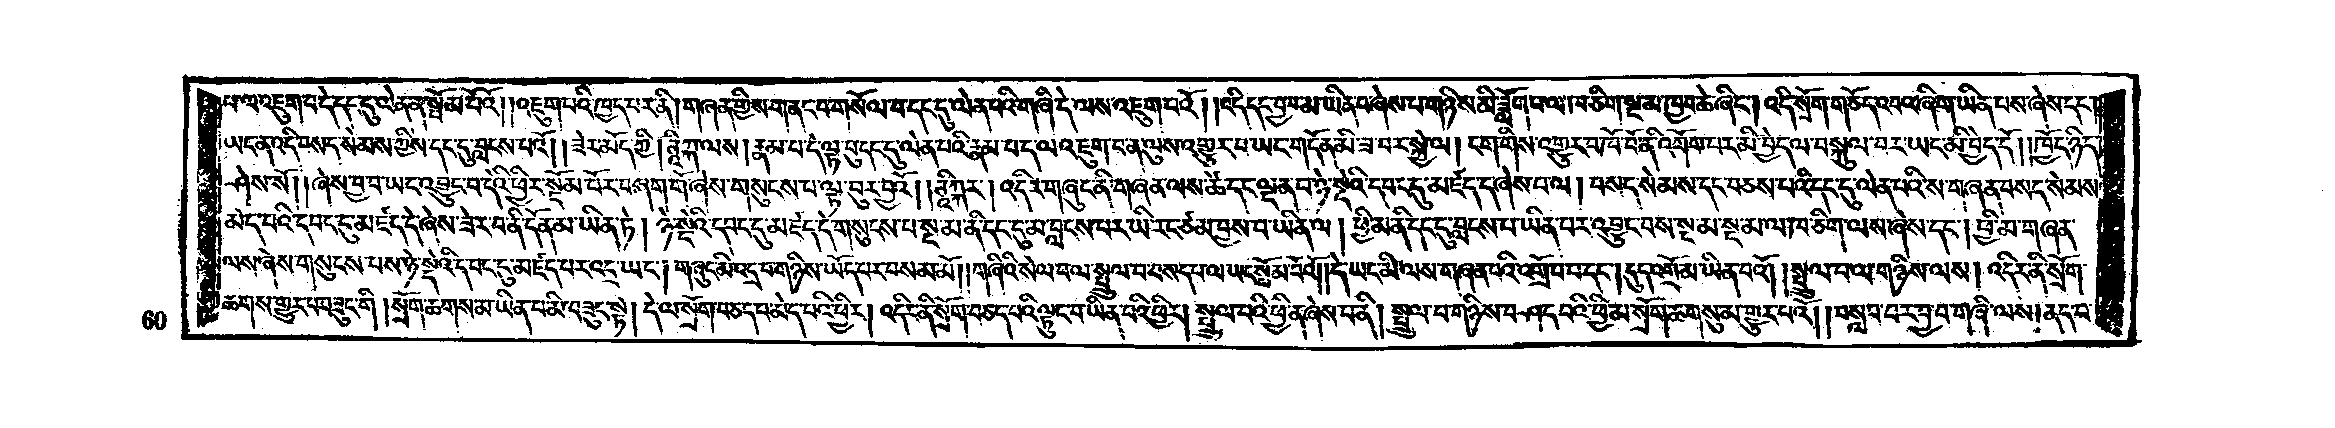པ་ལ་འཇུག་པ་དེ་དང་དུ་ལེན་ན་སྦོམ་པོའོ། །འཇུག་པའི་ཁྱད་པར་ནི། གཞན་གྱིས་གནང་བ་གསོལ་བ་དང་དུ་ལེན་པའི་གཞི་དེ་ལས་འཇུག་པའོ། །འདི་དང་བྱ་བ་མ་ཡིན་པ་ཞེས་པ་གཉིས་མི་ཟློག་པ་ལ་ཁ་ཅིག་སྔ་མ་ཁྱབ་ཆེ་ཞིང་། འདི་སྲོག་གཅོད་འབའ་ཞིག་ཡིན་པས་ཞེས་དང་
ཡང་ན་འདི་བསད་སེམས་ཀྱིས་དང་དུ་བླངས་པའོ། །ཟེར་མོད་ཀྱི། ཊཱིཀྐ་ལས། རྣམ་པ་དེ་ལྟ་བུ་དང་དུ་ལེན་པའི་རྣམ་པ་དེ་ལ་འཇུག་པ་ན་ལུས་འགྱུར་བ་ཡང་གདོན་མི་ཟ་བར་སྐྱེ་ལ། ངག་གིས་འགྱུར་བ་ཁོ་བོ་ནི་འགོག་པར་མི་བྱེད་ལ་བསྐུལ་བར་ཡང་མི་བྱེད་དོ། །ཁྱོད་ཉིད་
ཤེས་སོ། །ཞེས་བྱ་བ་ཡང་འབྱུང་བ་དེའི་ཕྱིར་སྡོམ་པོར་བཞག་གོ་ཞེས་གསུངས་པ་ལྟ་བུར་བྱའོ། །ཊཱིཀྐར། འདིར་གཞུང་ནི་གཞན་ལས་ཚེ་དང་ལྡན་པ་ཉེ་སྡེའི་དབང་དུ་མཛད་ད་ཞེས་པ་ལ། བསད་སེམས་དང་བཅས་པའི་དང་དུ་ལེན་པའི་ས་གཞན་བསད་སེམས་
མེད་པའི་དབང་དུ་མཛད་དེ་ཞེས་ཟེར་བ་ནི་དོན་མ་ཡིན་ཏེ། ཉེ་སྡེའི་དབང་དུ་མཛད་དེ་གསུངས་པ་སྔ་མ་ནི་དང་དུ་མ་བླངས་པར་ཡི་རང་ཙམ་བྱས་པ་ཡིན་ལ། ཕྱི་མ་ནི་དང་དུ་བླངས་པ་ཡིན་པར་འབྱུང་བས་སྔ་མ་སྔ་མ་ལ་ཁ་ཅིག་ལས་ཞེས་དང་། ཕྱི་མ་གཞན་
ལས་ཞེས་གསུངས་པས་ཉེ་སྡེའི་དབང་དུ་མཛད་པར་འདྲ་ཡང་། གཞུང་མི་འདྲ་བ་གཉིས་ཡོད་པར་བསམ་མོ། །གཞིའི་སེལ་བ་ལ་སྤྲུལ་པ་བསད་པ་ལ་ཡང་སྦོམ་པོའོ། །དེ་ཡང་མི་ལས་གཞན་པའི་འགྲོ་བ་པ་དང་། དུད་འགྲོ་མ་ཡིན་པའོ། །སྤྲུལ་པ་ལ་གཉིས་ལས། འདིར་ནི་སྲོག་
ཆགས་གྱུར་པ་བཟུང་གི །སྲོག་ཆགས་མ་ཡིན་པ་མི་བཟུང་སྟེ། དེ་ལ་སྲོག་བཅད་པ་མེད་པའི་ཕྱིར། འདིར་ནི་སྲོག་བཅད་པའི་ལྟུང་བ་ཡིན་པའི་ཕྱིར། སྤྲུལ་པའི་ཕྱི་ན་ཞེས་པ་ནི། སྤྲུལ་པ་གཉིས་བཤད་པའི་ཕྱི་མ་སྲོག་ཆགས་སུ་མ་གྱུར་པའོ། །བསླབ་པར་བྱ་བ་གཞི་ལས། ནད་པ་